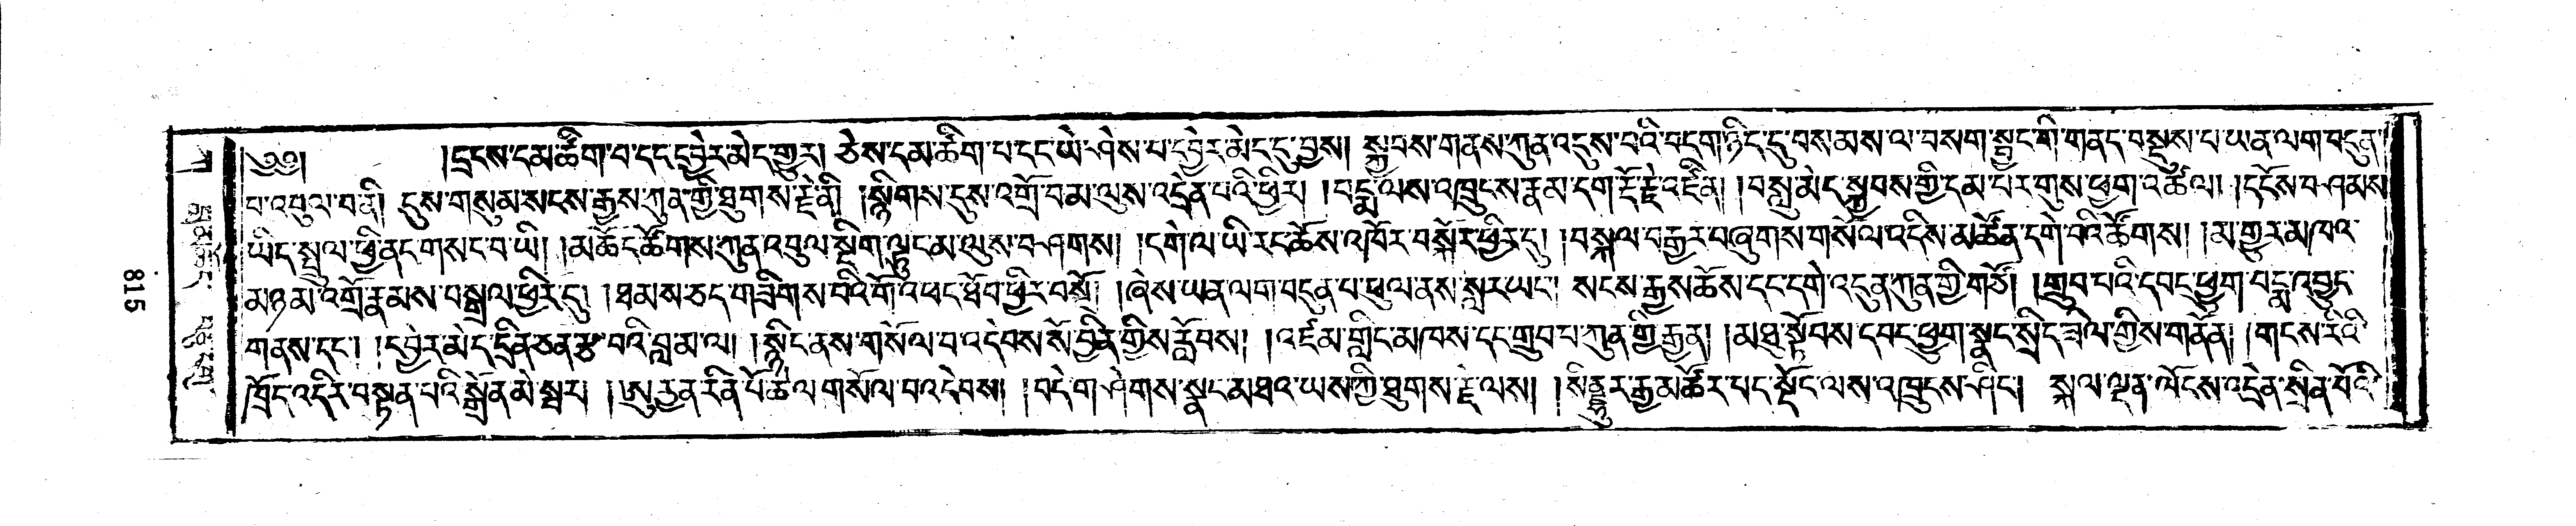༄༅། །དྲངས་དམ་ཚིག་པ་དང་དབྱེར་མེད་གྱུར། ཅེས་དམ་ཚིག་པ་དང་ཡེ་ཤེས་པ་དབྱེར་མེད་དུ་བྱས། སྐྱབས་གནས་ཀུན་འདུས་པའི་བདག་ཉིད་དུ་བསམས་ལ་བསག་སྦྱང་གི་གནད་བསྡུས་པ་ཡན་ལག་བདུན་
པ་འབུལ་བ་ནི། དུས་གསུམ་སངས་རྒྱས་ཀུན་གྱི་ཐུགས་རྗེ་ནི། །སྙིགས་དུས་འགྲོ་བ་མ་ལུས་འདྲེན་པའི་ཕྱིར། །པདམ་ལས་འཁྲུངས་རྣམ་དག་རྡོ་རྗེ་འཛིན། །བསླུ་མེད་སྐྱབས་ཀྱི་དམ་པར་གུས་ཕྱག་འཚལ། །དངོས་བཤམས་
ཡིད་སྤྲུལ་ཕྱི་ནང་གསང་བ་ཡི། །མཆོད་ཚོགས་ཀུན་འབུལ་སྡིག་ལྟུང་མ་ལུས་བཤགས། །དགེ་ལ་ཡི་རང་ཆོས་འཁོར་བསྐོར་ཕྱིར་དུ། །བསྐལ་བརྒྱར་བཞུགས་གསོལ་འདིས་མཚོན་དགེ་བའི་ཚོགས། །མ་གྱུར་མཁའ་
མཉམ་འགྲོ་རྣམས་བསྒྲལ་ཕྱིར་དུ། །ཐམས་ཅད་གཟིགས་པའི་གོ་འཕང་ཐོབ་ཕྱིར་བསྔོ། །ཞེས་ཡན་ལག་བདུན་པ་ཕུལ་ནས་སླར་ཡང་། སངས་རྒྱས་ཆོས་དང་དགེ་འདུན་ཀུན་གྱི་གཙོ། །གྲུབ་པའི་དབང་ཕྱུག་པདམ་འབྱུང་
གནས་དང་། །དབྱེར་མེད་དྲིན་ཅན་རྩ་བའི་བླ་མ་ལ། །སྙིང་ནས་གསོལ་བ་འདེབས་སོ་བྱིན་གྱིས་རློབས། །འཛམ་གླིང་མཁས་དང་གྲུབ་པ་ཀུན་གྱི་རྒྱན། །མཐུ་སྟོབས་དབང་ཕྱུག་སྣང་སྲིད་ཟིལ་གྱིས་གནོན། །གངས་རིའི་
ཁྲོད་འདིར་བསྟན་པའི་སྒྲོན་མེ་སྤར། །ཨུརྱན་རིན་པོ་ཆེ་ལ་གསོལ་བ་འདེབས། །བདེ་གཤེགས་སྣང་མཐའ་ཡས་ཀྱི་ཐུགས་རྗེ་ལས། །སིནྡྷུར་རྒྱ་མཚོར་པད་སྡོང་ལས་འཁྲུངས་ཤིང་། སྐལ་ལྡན་ཡོངས་འདྲེན་སྲིན་པོའི་